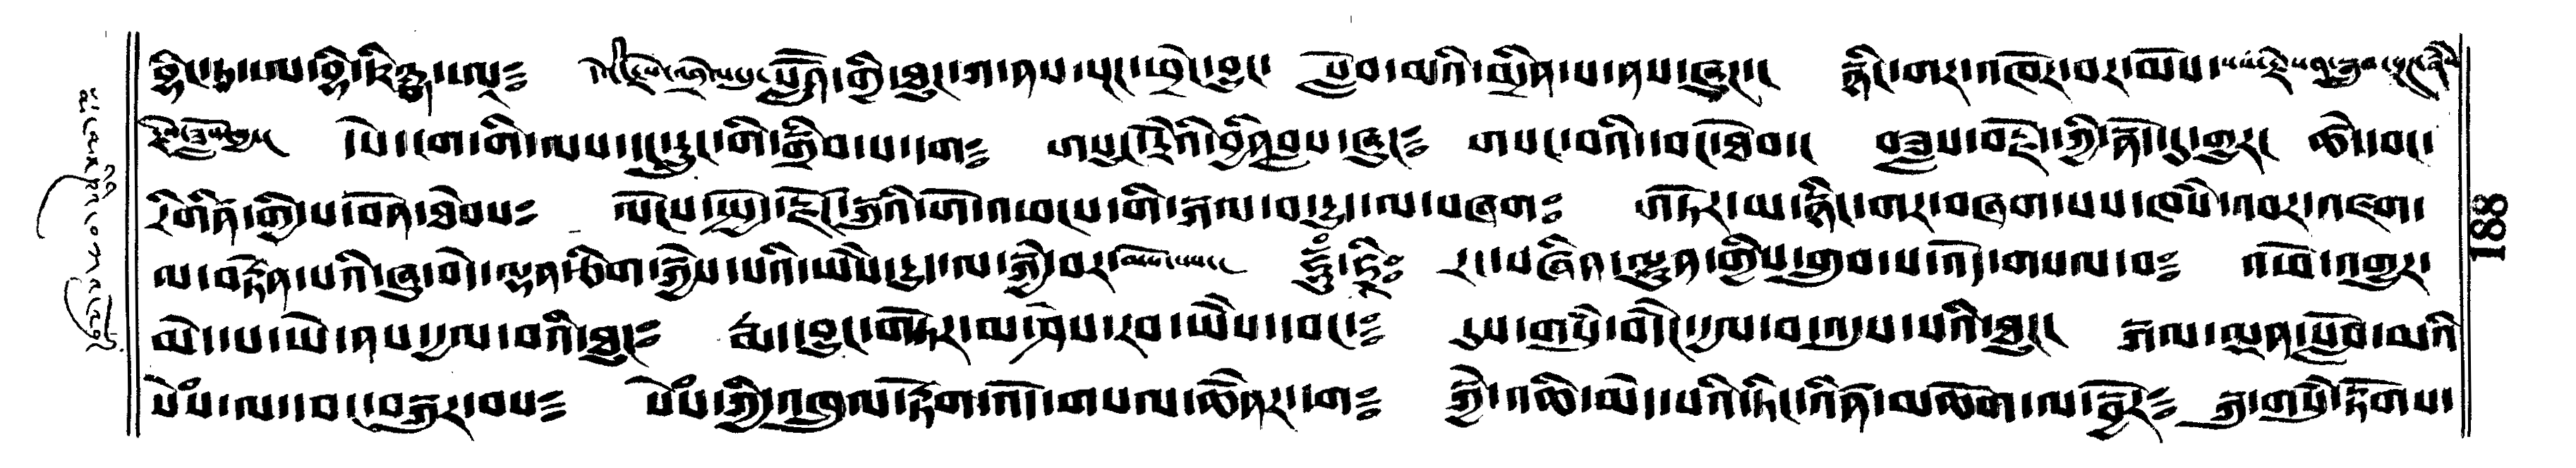བྷིང་ཏཱ་ཨ་བྷི་རིཉྩ་ཨཱ༔ དེའི་རྗེས་འབྲེལ་དུ་སློབ་དཔོན་གྱི་ཐུགས་ཀ་ནས་སྔགས་ཕྲེང་བྱུང་། སློབ་མའི་མགྲིན་པ་ནས་ཞུགས། སྙིང་གར་འཁོར་བར་མོས་པས་རྗེས་གནང་སྒྲུབས་སྔགས་རྣམས་
རྗེས་ཟློས་བྱ། དེས་ངག་གི་ལས་དང་རླུང་གི་སྒྲིབ་པ་དག༔ གསུང་རྡོ་རྗེའི་བྱིན་རླབས་ཞུགས༔ གསང་བའི་དབང་ཐོབ༔ བཟླས་བརྗོད་ཀྱི་སྣོད་དུ་གྱུར༔ ཚེ་དབང་
རིག་འཛིན་གྱི་ས་བོན་ཐེབས༔ ལོངས་སྤྱོད་རྫོགས་སྐུའི་གོ་འཕང་གི་སྐལ་བ་རྒྱུད་ལ་བཞག༔ གཏོར་མ་སྙིང་གར་བཞག་པས་ཁམས་འབར་འཛག་
ལ་བརྟེན་པའི་ཞུ་བདེ་ལྷན་ཅིག་སྐྱེས་པའི་ཡེ་ཤེས་རྒྱུད་ལ་སྐྱེ་བར་མོས་པས ། ཧཱུྃ་ཧྲཱིཿ རང་བཞིན་ལྷུན་གྱི་གྲུབ་པ་འོད་གསལ་བ༔ འཕོ་འགྱུར་
མེད་པ་ཡེ་ནས་རྒྱལ་བའི་ཐུགས༔ རྨད་བྱུང་གཏོར་མ་ཤེས་རབ་ཡེ་ཤེས་དབང༔ དུས་གསུམ་བདེ་གཤེགས་རྒྱལ་བ་འདུས་པའི་ཐུགས༔ སྐལ་ལྡན་སློབ་མའི་
སེམས་ལ་དབང་བསྐུར་བས༔ སེམས་ཀྱི་འཁྲུལ་རྟོག་འོད་གསལ་ཆེན་པོར་དག༔ སྐྱེ་འཆི་མེད་པའི་ཏིང་འཛིན་མཆོག་ལ་སྦྱོར༔ སྐུ་གསུམ་རྟོགས་